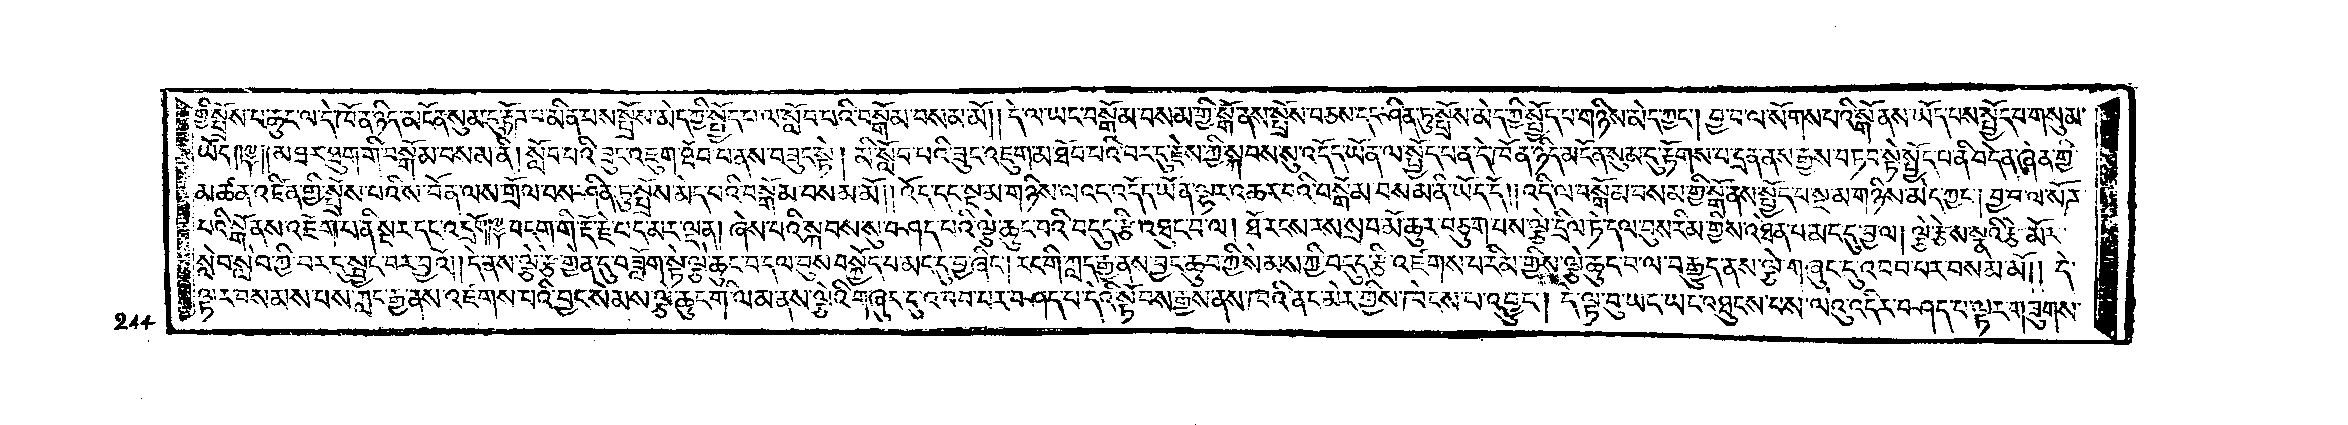གྱི་སྤྲོས་པ་ཆུང་ལ་དེ་ཁོ་ན་ཉིད་མངོན་སུམ་དུ་རྟོགས་པ་མིན་པས་སྤྲོས་མེད་ཀྱི་སྤྱོད་པ་ལ་སློབ་པའི་བསྒོམ་བསམ་མོ། །དེ་ལ་ཡང་བསྒོམ་བསམ་གྱི་སྒོ་ནས་སྤྲོས་བཅས་དང་ཤིན་ཏུ་སྤྲོས་མེད་ཀྱི་སྤྱོད་པ་གཉིས་མེད་ཀྱང་། བྱ་བ་ལ་སོགས་པའི་སྒོ་ནས་ཡོད་པས་སྤྱོད་པ་གསུམ་
ཡོད་དོ།། ༈ །།མཐར་ཐུག་གི་བསྒོམ་བསམ་ནི། སློབ་པའི་ཟུང་འཇུག་ཐོབ་པ་ནས་བཟུང་སྟེ། མི་སློབ་པའི་ཟུང་འཇུག་མ་ཐོབ་པའི་བར་དུ་རྗེས་ཀྱི་སྐབས་སུ་འདོད་ཡོན་ལ་སྤྱོད་པ་ན་དེ་ཁོ་ན་ཉིད་མངོན་སུམ་དུ་རྟོགས་པ་དྲན་ནས་རྒྱས་བཏབ་སྟེ་སྤྱོད་པ་ནི་བདེན་ཞེན་གྱི་
མཚན་འཛིན་གྱི་སྤྲོས་པའི་ས་བོན་ལས་གྲོལ་བས་ཤིན་ཏུ་སྤྲོས་མེད་པའི་བསྒོམ་བསམ་མོ། །འདི་དང་སྔ་མ་གཉིས་ལའང་འདོད་ཡོན་ལྷར་འཆར་བའི་བསྒོམ་བསམ་ནི་ཡོད་དོ། །འདི་ལ་བསྒོམ་བསམ་གྱི་སྒོ་ནས་སྤྱོད་པ་སྔ་མ་གཉིས་མེད་ཀྱང་། བྱ་བ་ལ་སོགས་
པའི་སྒོ་ནས་འཇོག་པ་ནི་སྔར་དང་འདྲའོ།། ༈ བདག་གི་རྡོ་རྗེ་པད་མར་ལྡན། ཞེས་པའི་སྐབས་སུ་བཤད་པའི་ལྕེ་ཆུང་བའི་བདུད་རྩི་འཐུང་བ་ལ། ཐོ་རངས་རས་སྲབ་མོ་ཆུར་བཅུག་པས་ལྕེ་དྲིལ་ཏེ་དལ་བུས་རིམ་གྱིས་འཐེན་པ་མང་དུ་བྱ་ལ། ལྕེ་རྩེས་སྣའི་རྩེ་མོར་
སླེབ་སླེབ་ཀྱི་བར་དུ་སྦྱང་བར་བྱའོ། །དེ་ནས་ལྕེ་རྩེ་གྱེན་དུ་བཟློག་སྟེ་ལྕེ་ཆུང་བ་དལ་བུས་བསྐྱོད་པ་མང་དུ་བྱ་ཞིང་། རང་གི་ཀླད་རྒྱ་ནས་བྱང་ཆུབ་ཀྱི་སེམས་ཀྱི་བདུད་རྩི་འཛགས་པ་རིམ་གྱིས་ལྕེ་ཆུང་བ་ལ་བརྒྱུད་ནས་ལྕེ་གཞུང་དུ་འབབ་པར་བསམ་མོ། །དེ་
ལྟར་བསམས་པས་ཀླད་རྒྱ་ནས་འཛགས་པའི་བྱང་སེམས་ལྕེ་ཆུང་གི་ལམ་ནས་ལྕེའི་གཞུང་དུ་འབབ་པར་བཤད་པ་དེའི་སྟོབས་རྒྱས་ནས་ཁའི་ནང་མེར་གྱིས་ཁེངས་པ་འབྱུང་། དེ་ལྟ་བུ་ཡང་ཡང་འཐུངས་པས་ལེའུ་འདིར་བཤད་པ་ལྟར་གཟུགས་